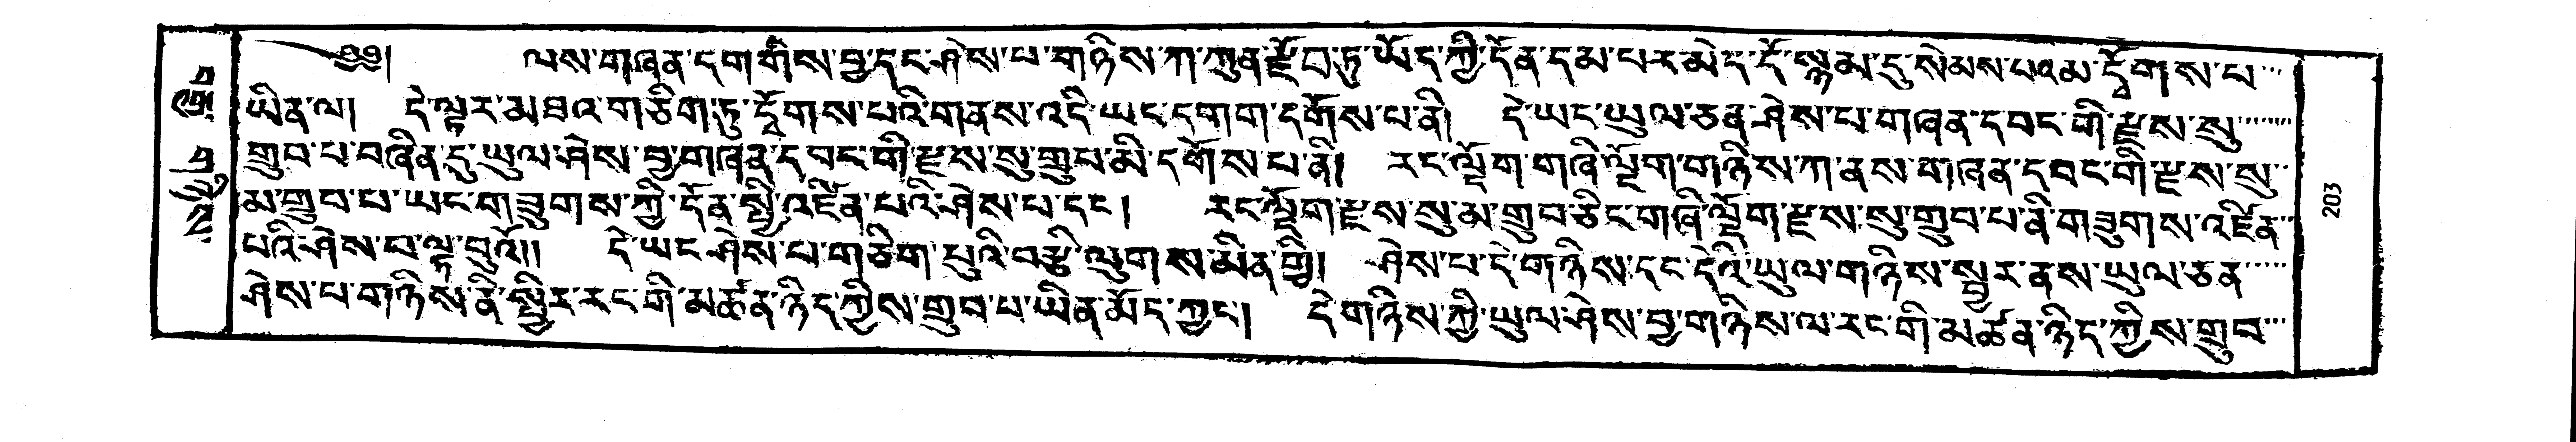༄༅། །ལས་གཞན་དག་གིས་བྱ་དང་ཤེས་པ་གཉིས་ཀ་ཀུན་རྫོབ་ཏུ་ཡོད་ཀྱི་དོན་དམ་པར་མེད་དོ་སྙམ་དུ་སེམས་པའམ་དྭོགས་པ་
ཡིན་ལ། དེ་ལྟར་མཐའ་གཅིག་ཏུ་དྭོགས་པའི་གནས་འདི་ཡང་དགག་དགོས་པ་ནི། དེ་ཡང་ཡུལ་ཅན་ཤེས་པ་གཞན་དབང་གི་རྫས་སུ་
གྲུབ་པ་བཞིན་དུ་ཡུལ་ཤེས་བྱ་གཞན་དབང་གི་རྫས་སུ་གྲུབ་མི་དགོས་པ་ནི། རང་ལྡོག་གཞི་ལྡོག་གཉིས་ཀ་ནས་གཞན་དབང་གི་རྫས་སུ་
མ་གྲུབ་པ་ཡང་གཟུགས་ཀྱི་དོན་སྤྱི་འཛིན་པའི་ཤེས་པ་དང་། རང་ལྡོག་རྫས་སུ་མ་གྲུབ་ཅིང་གཞི་ལྡོག་རྫས་སུ་གྲུབ་པ་ནི་གཟུགས་འཛིན་
པའི་ཤེས་པ་ལྟ་བུའོ།། དེ་ཡང་ཤེས་པ་གཅིག་པུའི་བརྩི་ལུགས་མིན་གྱི། ཤེས་པ་དེ་གཉིས་དང་དེའི་ཡུལ་གཉིས་སྦྱར་ནས་ཡུལ་ཅན་
ཤེས་པ་གཉིས་ནི་སྤྱིར་རང་གི་མཚན་ཉིད་ཀྱིས་གྲུབ་པ་ཡིན་མོད་ཀྱང་། དེ་གཉིས་ཀྱི་ཡུལ་ཤེས་བྱ་གཉིས་ལ་རང་གི་མཚན་ཉིད་ཀྱིས་གྲུབ་